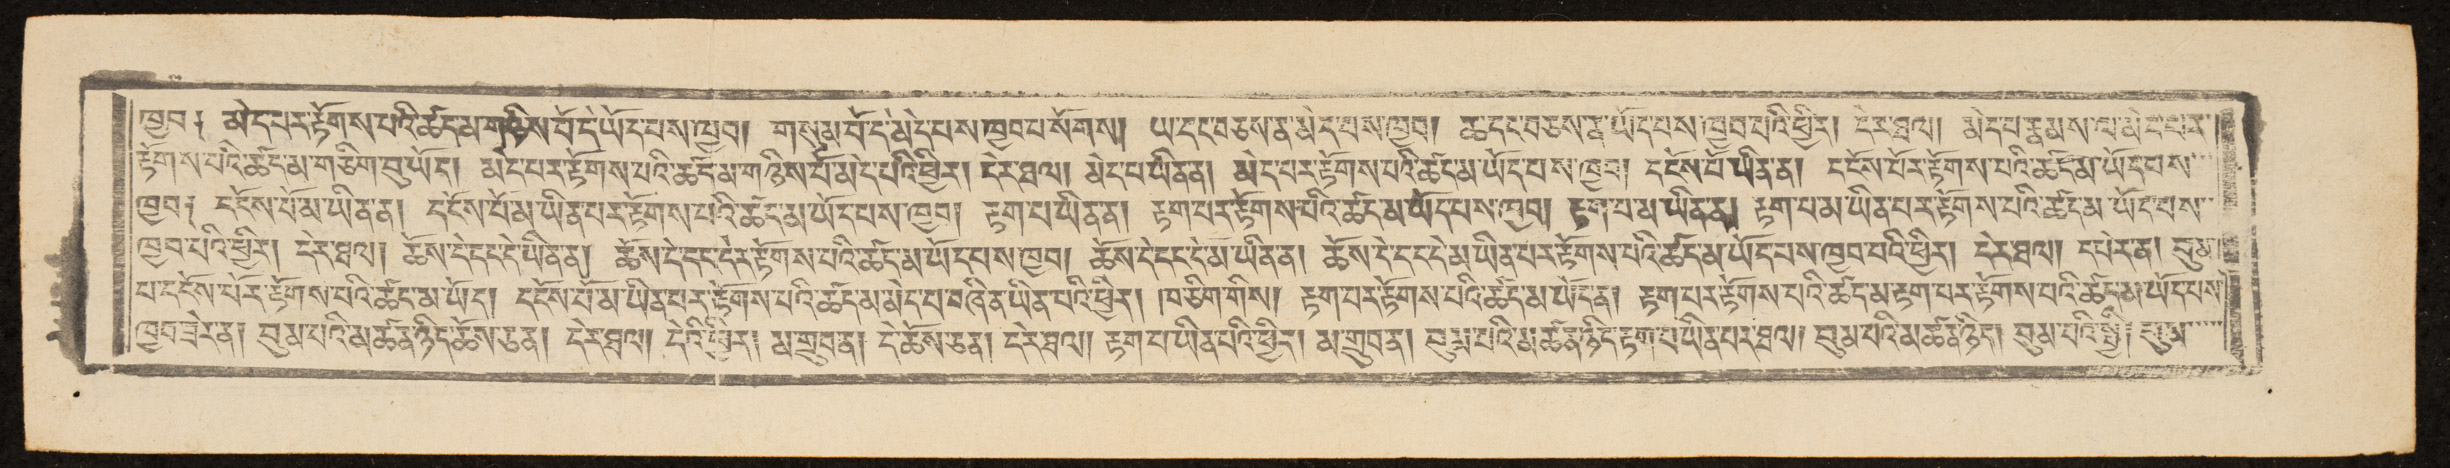ཁྱབ། མེད་པར་རྟོགས་པའི་ཚད་མ་གཉིས་པོ་དེ་ཡོད་པས་ཁྱབ། གསུམ་པོ་དེ་མེད་པས་ཁྱབ་པ་སོགས། ཡ་དང་བཅས་ན་མེད་པས་ཁྱབ། ཆ་དང་བཅས་ན་ཡོད་པས་ཁྱབ་པའི་ཕྱིར། དེར་ཐལ། མེད་པ་རྣམས་ལ་མེད་པར་
རྟོགས་པའི་ཚད་མ་གཅིག་པུ་ཡོད། མེད་པར་རྟོགས་པའི་ཚད་མ་གཉིས་པོ་མེད་པའི་ཕྱིར། དེར་ཐལ། མེད་པ་ཡིན་ན། མེད་པར་རྟོགས་པའི་ཚད་མ་ཡོད་པས་ཁྱབ། དངོས་པོ་ཡིན་ན། དངོས་པོར་རྟོགས་པའི་ཚད་མ་ཡོད་པས་
ཁྱབ། དངོས་པོ་མ་ཡིན་ན། དངོས་པོ་མ་ཡིན་པར་རྟོགས་པའི་ཚད་མ་ཡོད་པས་ཁྱབ། རྟག་པ་ཡིན་ན། རྟག་པར་རྟོགས་པའི་ཚད་མ་ཡོད་པས་ཁྱབ། རྟག་པ་མ་ཡིན་ན། རྟག་པ་མ་ཡིན་པར་རྟོགས་པའི་ཚད་མ་ཡོད་པས་
ཁྱབ་པའི་ཕྱིར། དེར་ཐལ། ཆོས་དེ་དང་དེ་ཡིན་ན། ཆོས་དེ་དང་དེར་རྟོགས་པའི་ཚད་མ་ཡོད་པས་ཁྱབ། ཆོས་དེ་དང་དེ་མ་ཡིན་ན། ཆོས་དེ་དང་དེ་མ་ཡིན་པར་རྟོགས་པའི་ཚད་མ་ཡོད་པས་ཁྱབ་པའི་ཕྱིར། དེར་ཐལ། དཔེར་ན། བུམ་
པ་དངོས་པོར་རྟོགས་པའི་ཚད་མ་ཡོད། དངོས་པོ་མ་ཡིན་པར་རྟོགས་པའི་ཚད་མ་མེད་པ་བཞིན་ཡིན་པའི་ཕྱིར། ཁ་ཅིག་གིས། རྟག་པར་རྟོགས་པའི་ཚད་མ་ཡོད་ན། རྟག་པར་རྟོགས་པའི་ཚད་མ་རྟག་པར་རྟོགས་པའི་ཚད་མ་ཡོད་པས་
ཁྱབ་ཟེར་ན། བུམ་པའི་མཚན་ཉིད་ཆོས་ཅན། དེར་ཐལ། དེའི་ཕྱིར། མ་གྲུབ་ན། དེ་ཆོས་ཅན། དེར་ཐལ། རྟག་པ་ཡིན་པའི་ཕྱིར། མ་གྲུབ་ན། བུམ་པའི་མཚན་ཉིད་རྟག་པ་ཡིན་པར་ཐལ། བུམ་པའི་མཚན་ཉིད། བུམ་པའི་སྤྱི། བུམ་